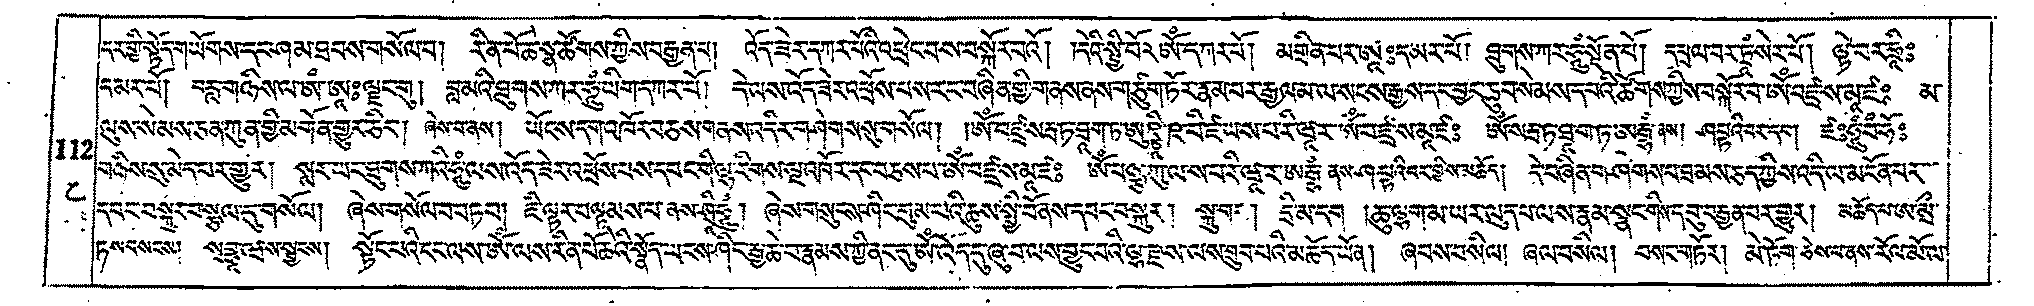དར་གྱི་སྟོད་གཡོགས་དང་ཤམ་ཐབས་གསོལ་བ། རིན་པོ་ཆེ་སྣ་ཚོགས་ཀྱིས་བརྒྱན་པ། འོད་ཟེར་དཀར་པོའི་འཕྲེང་བས་བསྐོར་བའོ། །དེའི་སྤྱི་བོར་ཨོཾ་དཀར་པོ། མགྲིན་པར་ཨཱཿདམར་པོ། ཐུགས་ཀར་ཧཱུཾ་སྔོན་པོ། དཔྲལ་བར་ཏྲའཾ་སེར་པོ། ལྟེ་བར་ཧྲཱིཿ
དམར་པོ། བྲལ་གཉིས་ལ་ཨཾ་ཨཱཿ ལྗང་གུ། བླ་མའི་ཐུགས་ཀར་ཧཱུཾ་ཡིག་དཀར་པོ། དེ་ལས་འོད་ཟེར་འཕྲོས་པས་རང་བཞིན་གྱི་གནས་ནས་གཙུག་ཏོར་རྣམ་པར་རྒྱལ་མ་ལ་སངས་རྒྱས་དང་བྱང་ཆུབ་སེམས་དཔའི་ཚོགས་ཀྱིས་བསྐོར་བ་ཨོཾ་བཛྲ་ས་མཱ་ཛཿ མ་
ལུས་སེམས་ཅན་ཀུན་གྱི་མགོན་གྱུར་ཅིང་། ཞེས་པ་ནས།  ཡོངས་དག་འཁོར་བཅས་གནས་འདིར་གཤེགས་སུ་གསོལ། །ཨོཾ་བཛྲ་སརྦ་ཏ་ཐཱག་ཏ་ཨུཥྞཱི་ཥ་བི་ཛ་ཡ་ས་པ་རི་ཝཱ་ར་ཨོཾ་བཛྲ་ས་མཱ་ཛཿ ཨོཾ་སརྦ་ཏ་ཐཱ་ག་ཏ་ཨརྒྷཾ་ནས།  ཤཔྟའི་བར་དང་། ཛཿ ཧཱུཾ་བཾ་ཧོཿ
གཉིས་སུ་མེད་པར་གྱུར། སླར་ཡང་ཐུགས་ཀའི་ཧཱུཾ་ལས་འོད་ཟེར་འཕྲོས་པས་དབང་གི་ལྷ་རིགས་ལྔ་འཁོར་དང་བཅས་པ་ཨོཾ་བཛྲ་ས་མཱཛཿ ཨོཾ་པཉྩ་ཀུ་ལ་ས་པ་རི་ཝཱ་ར་ཨརྒྷཾ་ནས་ཤཔྟའི་བར་གྱིས་མཆོད། དེ་བཞིན་གཤེགས་པ་ཐམས་ཅད་ཀྱིས་འདི་ལ་མངོན་པར་་་
དབང་བསྐུར་བ་སྩལ་དུ་གསོལ། ཞེས་གསོལ་བ་བཏབ། ཇི་ལྟར་བལྟམས་པ་ནས་ཤྲཱི་ཧཱུཾ། ཞེས་གསུངས་ཤིང་བུམ་པའི་ཆུས་སྤྱི་བོ་ནས་དབང་བསྐུར། སྐུ་གང་། དྲི་མ་དག །ཆུ་ལྷག་མ་ཡར་ལུད་པ་ལས་རྣམ་སྣང་གིས་དབུ་བརྒྱན་པར་གྱུར། མཆོད་པ་ཨ་མྲྀ་
ཏས་བསངས། སྭབྷཱ་ཝས་སྦྱངས། སྟོང་པའི་ངང་ལས་ཨོཾ་ལས་རིན་པོ་ཆེའི་སྣོད་ཡང་ཤིང་རྒྱ་ཆེ་བ་རྣམས་ཀྱི་ནང་དུ་ཨོཾ་འོད་དུ་ཞུ་བ་ལས་བྱུང་བའི་ལྷ་རྫས་ལས་གྲུབ་པའི་མཆོད་ཡོན། ཞབས་བསིལ། ཞལ་བསིལ། བསང་གཏོར། མེ་ཏོག་ཅེས་པ་ནས་རོལ་མོ་ལ་